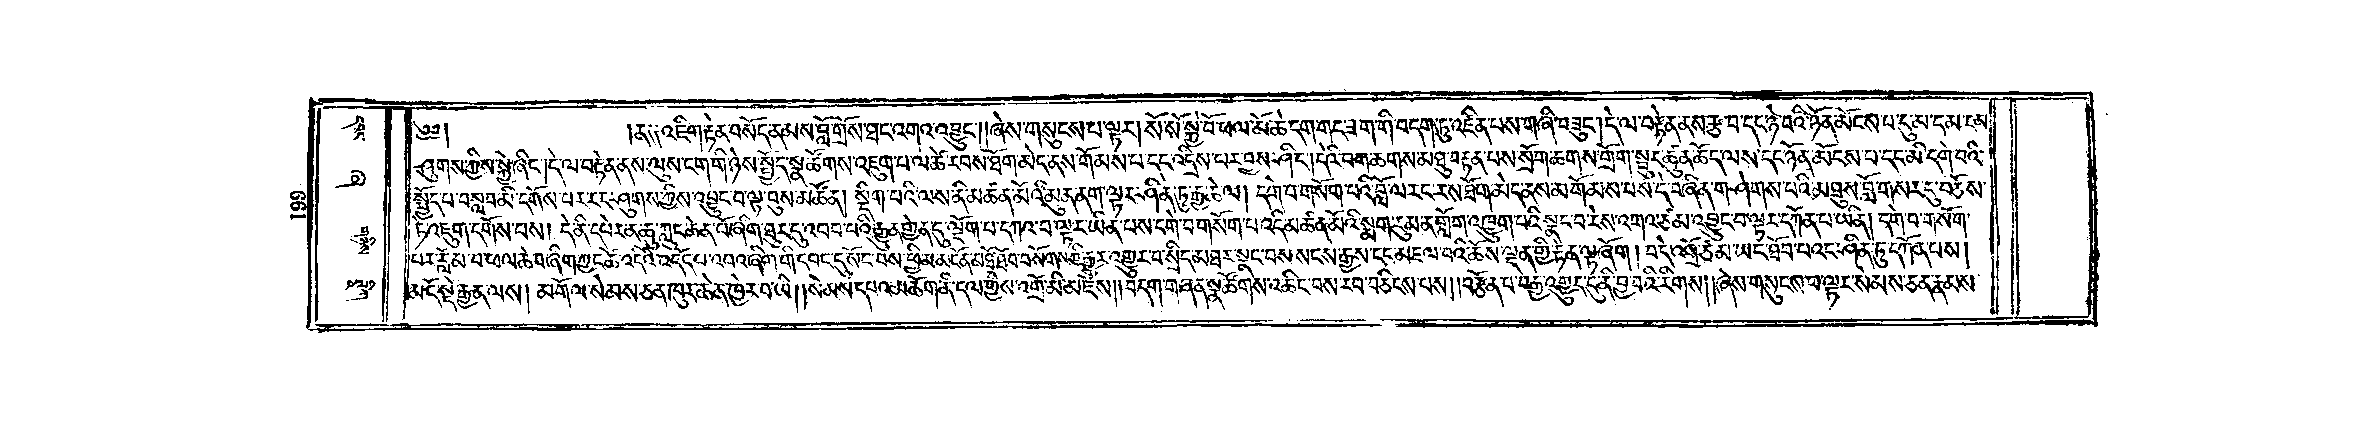༄༅། །ན། །འཇིག་རྟེན་བསོད་ནམས་བློ་གྲོས་ཐང་འགའ་འབྱུང་། །ཞེས་གསུངས་པ་ལྟར། སོ་སོ་སྐྱེ་བོ་ཕལ་མོ་ཆེ་དག་གང་ཟག་གི་བདག་ཏུ་འཛིན་པས་གཞི་བཟུང་། དེ་ལ་བརྟེན་ནས་རྩ་བ་དང་ཉེ་བའི་ཉོན་མོངས་པ་དུ་མ་དམ་ངམ་
ཤུགས་ཀྱིས་སྐྱེ་ཞིང་། དེ་ལ་བརྟེན་ནས་ལུས་ངག་གི་ཉེས་སྤྱོད་སྣ་ཚོགས་འཇུག་པ་ལ་ཚེ་རབས་ཐོག་མེད་ནས་གོམས་པ་དང་འདྲིས་པར་བྱས་ཤིང་། དེའི་བག་ཆགས་མཐུ་བརྟན་པས་སྲོག་ཆགས་གྲོག་སྦུར་ཚུན་ཆོད་ལས་དང་ཉོན་མོངས་པ་དང་མི་དགེ་བའི་
སྤྱོད་པ་བསླབ་མི་དགོས་པར་རང་ཤུགས་ཀྱིས་འབྱུང་བ་ལྟ་བུས་མཚོན། སྡིག་པའི་ལས་ནི་མཚན་མོའི་མུན་ནག་ལྟར་ཤིན་ཏུ་རྒྱ་ཆེ་ལ། དགེ་བ་གསོག་པའི་བློ་ལ་རང་རས་ཐོག་མེད་ནས་མ་གོམས་པས་དེ་བཞིན་གཤེགས་པའི་མཐུས་བློ་གསར་དུ་བཅོས་
ཏེ་འཇུག་དགོས་པས། དེ་ནི་དཔེར་ན་ཆུ་ཀླུང་ཆེན་པོ་ཞིག་ཐུར་དུ་འབབ་པའི་རྒྱུན་གྱེན་དུ་ལྡོག་པ་དཀའ་བ་ལྟར་ཡིན་པས་དགེ་བ་གསོག་པ་འདི་མཚན་མོའི་སྨག་རུམ་ན་གློག་འཁྱུག་པའི་སྣང་བ་རེས་འགའ་ཙམ་འབྱུང་བ་ལྟར་དཀོན་པ་ཡིན། དགེ་བ་གསོག་
པར་རློམ་པ་ཕལ་ཆེ་བ་ཞིག་ཀྱང་ཚེ་འདིའི་འདོད་པ་འབའ་ཞིག་གི་དབང་དུ་སོང་བས་ཕྱི་མ་མངོན་མཐོ་ཐོབ་བ་སོགས་ཀྱི་རྒྱུར་འགྱུར་བ་སྲིད་མཐར་སྣང་བས་སངས་རྒྱས་དང་མཇལ་བའི་ཆོས་ལྡན་གྱི་རྟེན་ལྟ་ཞོག །བདེ་འགྲོ་ཙམ་ཡང་ཐོབ་པའང་ཤིན་ཏུ་དཀོན་པས།
མདོ་སྡེ་རྒྱན་ལས། མགོ་ལ་སེམས་ཅན་ཁུར་ཆེན་ཁྱེར་བ་ཡི། །སེམས་དཔའ་མཆོག་ནི་དལ་གྱིས་འགྲོ་མི་མཛེས། །བདག་གཞན་སྣ་ཚོགས་འཆིང་བས་རབ་བཅིངས་པས། །བརྩོན་པ་བརྒྱ་འགྱུར་དུ་ནི་བྱ་བའི་རིགས། །ཞེས་གསུངས་པ་ལྟར་སེམས་ཅན་རྣམས་